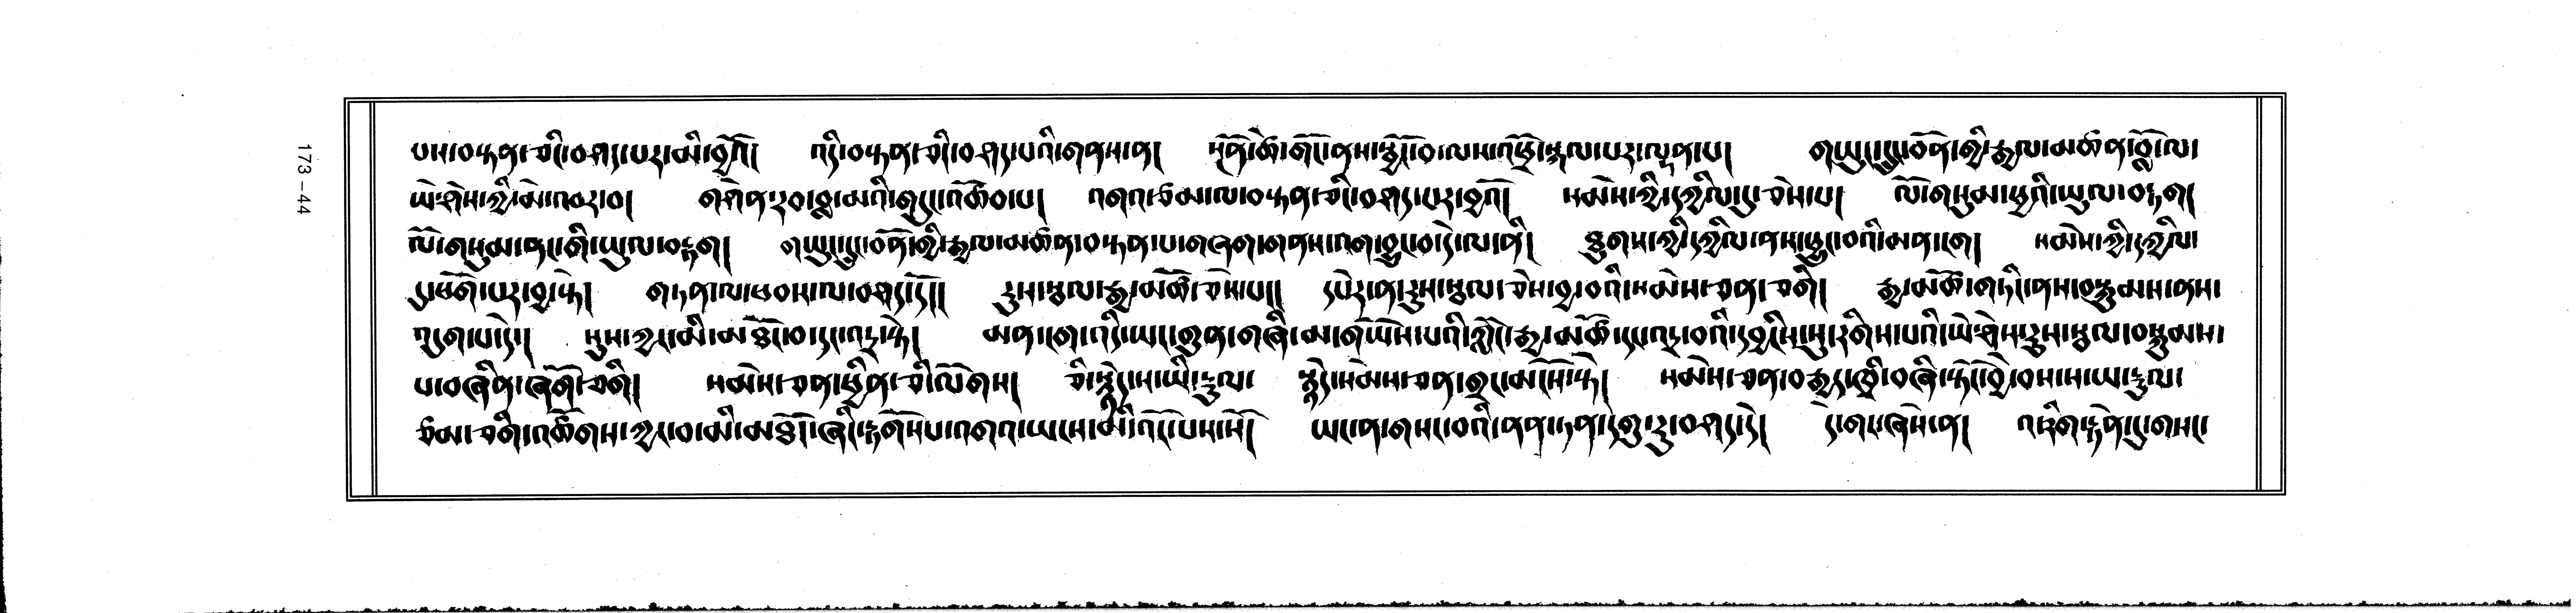པས་བསྟན་ཅིང་བཤད་པར་མི་བྱའོ། །འདི་བསྟན་ཅིང་བཤད་པའི་གནས་ན། སྔོན་ཚེ་གོང་ནས་སྦྱོར་བ་ལས་འཕྲོ་སྐལ་པར་ལྡན་པ། གཡུང་དྲུང་བོན་གྱི་རྒྱལ་མཚན་བློ་ལ་
ཡེ་ཤེས་མེ་འབར་བ། གཤེན་རབ་བླ་མའི་གདུང་འཚོབ་པ། འགའ་ཙམ་ལ་བསྟན་ཅིང་བཤད་པར་བྱའོ། །སེམས་ཀྱི་དཀྱིལ་དུ་ཞེས་པ། ལོ་གུམ་ཕྱིའི་ཡུལ་བརྟག 
ལོ་གསུམ་ནང་གི་ཡུལ་བརྟག གཡུང་དྲུང་བོན་གྱི་རྒྱལ་མཚན་བསྟན་པ་བཞག་གནས་འདི་བྱུང་བ་དེ་ལ་ནི། ཐུགས་ཀྱི་དཀྱིལ་ནས་ཕྱུང་བའི་མན་ངག སེམས་ཀྱི་དཀྱིལ་
དུ་ཕོག་པར་བྱ་སྟེ། གཏན་ལ་ཕབ་ལ་བཤད་དོ། །རུས་སྦལ་རྒྱ་མཚོ་ཅེས་པ། དཔེར་ན་རུས་སྦལ་ཅེས་བྱ་བའི་སེམས་ཅན་ཞིག རྒྱ་མཚོ་གཏིང་ནས་བསྐུམ་ནས་
འདུག་པ་དེ། སུས་ཀྱང་མི་མཐོང་བ་དང་འདྲ་སྟེ། མན་ངག་འདི་ཡང་ཀུན་གཞི་མ་གཡོས་པའི་ཀློང་རྒྱ་མཚོ་དང་འདྲ་བའི་དབྱིངས་སུ་རིག་པའི་ཡེ་ཤེས་རུས་སྦལ་བསྐུམས་
པ་བཞིན་ཞོག་ཅིག སེམས་ཅན་ཕྱིན་ཅི་ལོག ཅི་སྙེད་ས་ཡི་རྡུལ་སྙེད་སེམས་ཅན་གྲངས་མང་པོ་སྟེ། སེམས་ཅན་བརྒྱད་ཁྲི་བཞི་སྟོང་བྱེ་བ་ས་ཡ་རྡུལ་
ཙམ་ཅིག་འཚོགས་ཀྱང་བ་མི་མཐོང་ཞིང་རྟོགས་པ་འགའ་ཡང་མི་འོང་བས་སོ། །ཡང་ན་གསང་བའི་ནན་ཏན་དགུ་བཤད་དེ། དེ་གང་ཞེ་ན། འཇིག་རྟེན་དུ་གསང་